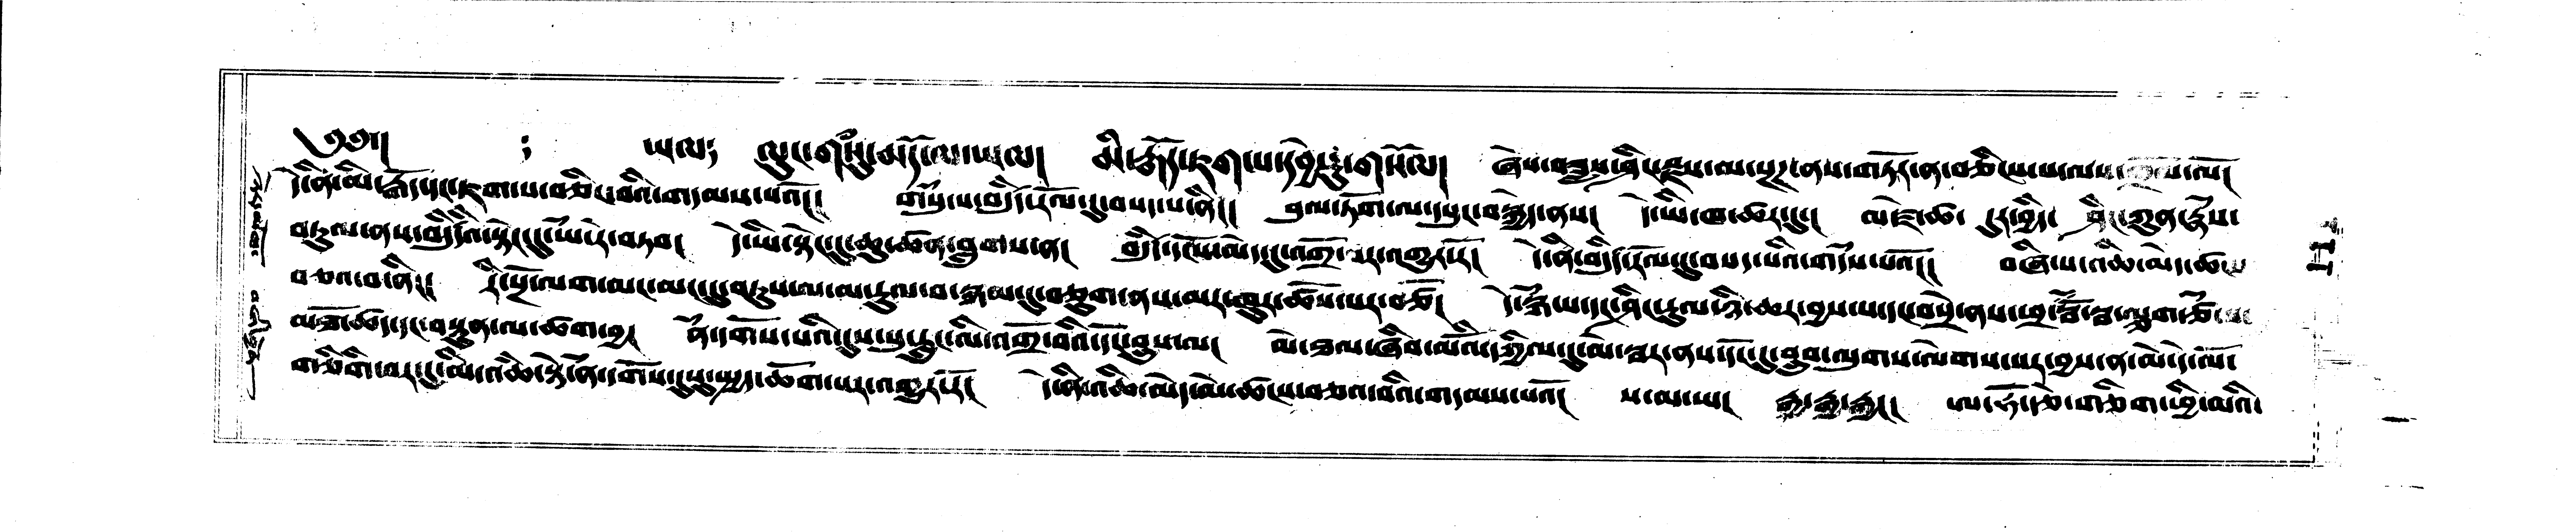ཡལ། ལུང་གསུམ་མདོ་ལ་ཡལ། མི་རྒོད་ཇག་པ་དབྱེ་རུ་གསོལ། ཞེས་བཟླས་ཤིང་རྫས་ལ་སྔགས་ནས་གཏོར་ན་བཅིངས་པ་ལས་དགྲོལ་ལོ། །
དེ་ནི་མི་རྒོད་དང་ཇག་པ་བཅིངས་པའི་གདམས་པའོ།། གསུམ་པ་བདུད་རྩི་རོལ་དུ་བསད་པ་ནི། བུལ་ཏོག་ལ་དཔུང་བསྐྱེད་ནས། དེ་ཡི་ཁ་ཚར་དུ། མཛེ་ཚ་དུར་བྱིད་ཤིང་ཀུན་རྣམས་
བཏུལ་ནས་བདུད་རྩིའི་སྟེང་དུ་ཡཾ་རེ་བཏབ། དེ་ཡི་སྟེང་དུ་ཆུ་ཚན་བླུགས་ན། བདུད་རྩི་དངོས་མེད་དུ་འགྲོ་བར་འགྱུར་རོ། །དེ་ནི་བདུད་རྩི་རོལ་དུ་བསད་པའི་གདམས་པའོ། །བཞི་པ་འཆི་མེད་ཚེ་
བཅའ་བ་ནི། རི་སྔོ་ལག་མང་ཡང་ཡང་དུ་བཏུས་ལ་མ་རུལ་བ་སྐམ་དུ་བཅུག་ནས་མར་ཁུར་ཚོས་པར་བཙོ། དེ་སྐམ་པ་དང་ཤིང་རུལ་ཉི་ཆར་བྱས་པ་དང་བསྲེ་ནས་ཕྲ་སྦོམ་སྦ་ལྕག་ཙམ་པ་
མཐོ་ཚད་དང་བསྟུན་ལ་ཚག་བྱ། ནམ་དགོས་པའི་དུས་སུ་རླུང་མི་འགྲོ་བའི་དོང་བྲུས་ལ། མེ་ཐལ་ཞིབ་མོའི་དཀྱིལ་དུ་མེ་སྤར་ནས་དོང་དུ་བྲུབ་ལུགས་ལེགས་པར་བྱས་ན་མེ་དེ་ལོ་
གཅིག་གི་བར་དུ་མ་འཆ་སྟེ་ནམ་དགོས་དུས་སུ་སྤྱད་ཆོག་པར་འགྱུར་རོ། །དེ་ན་འཆི་མེད་མེ་ཚང་བཅའ་བའི་གདམས་པའོ།། ས་མ་ཡ། རྒྱ་རྒྱ་རྒྱ། །ཨ་ཧོ་རྩེ་གཅིག་ཕྱི་མའི་